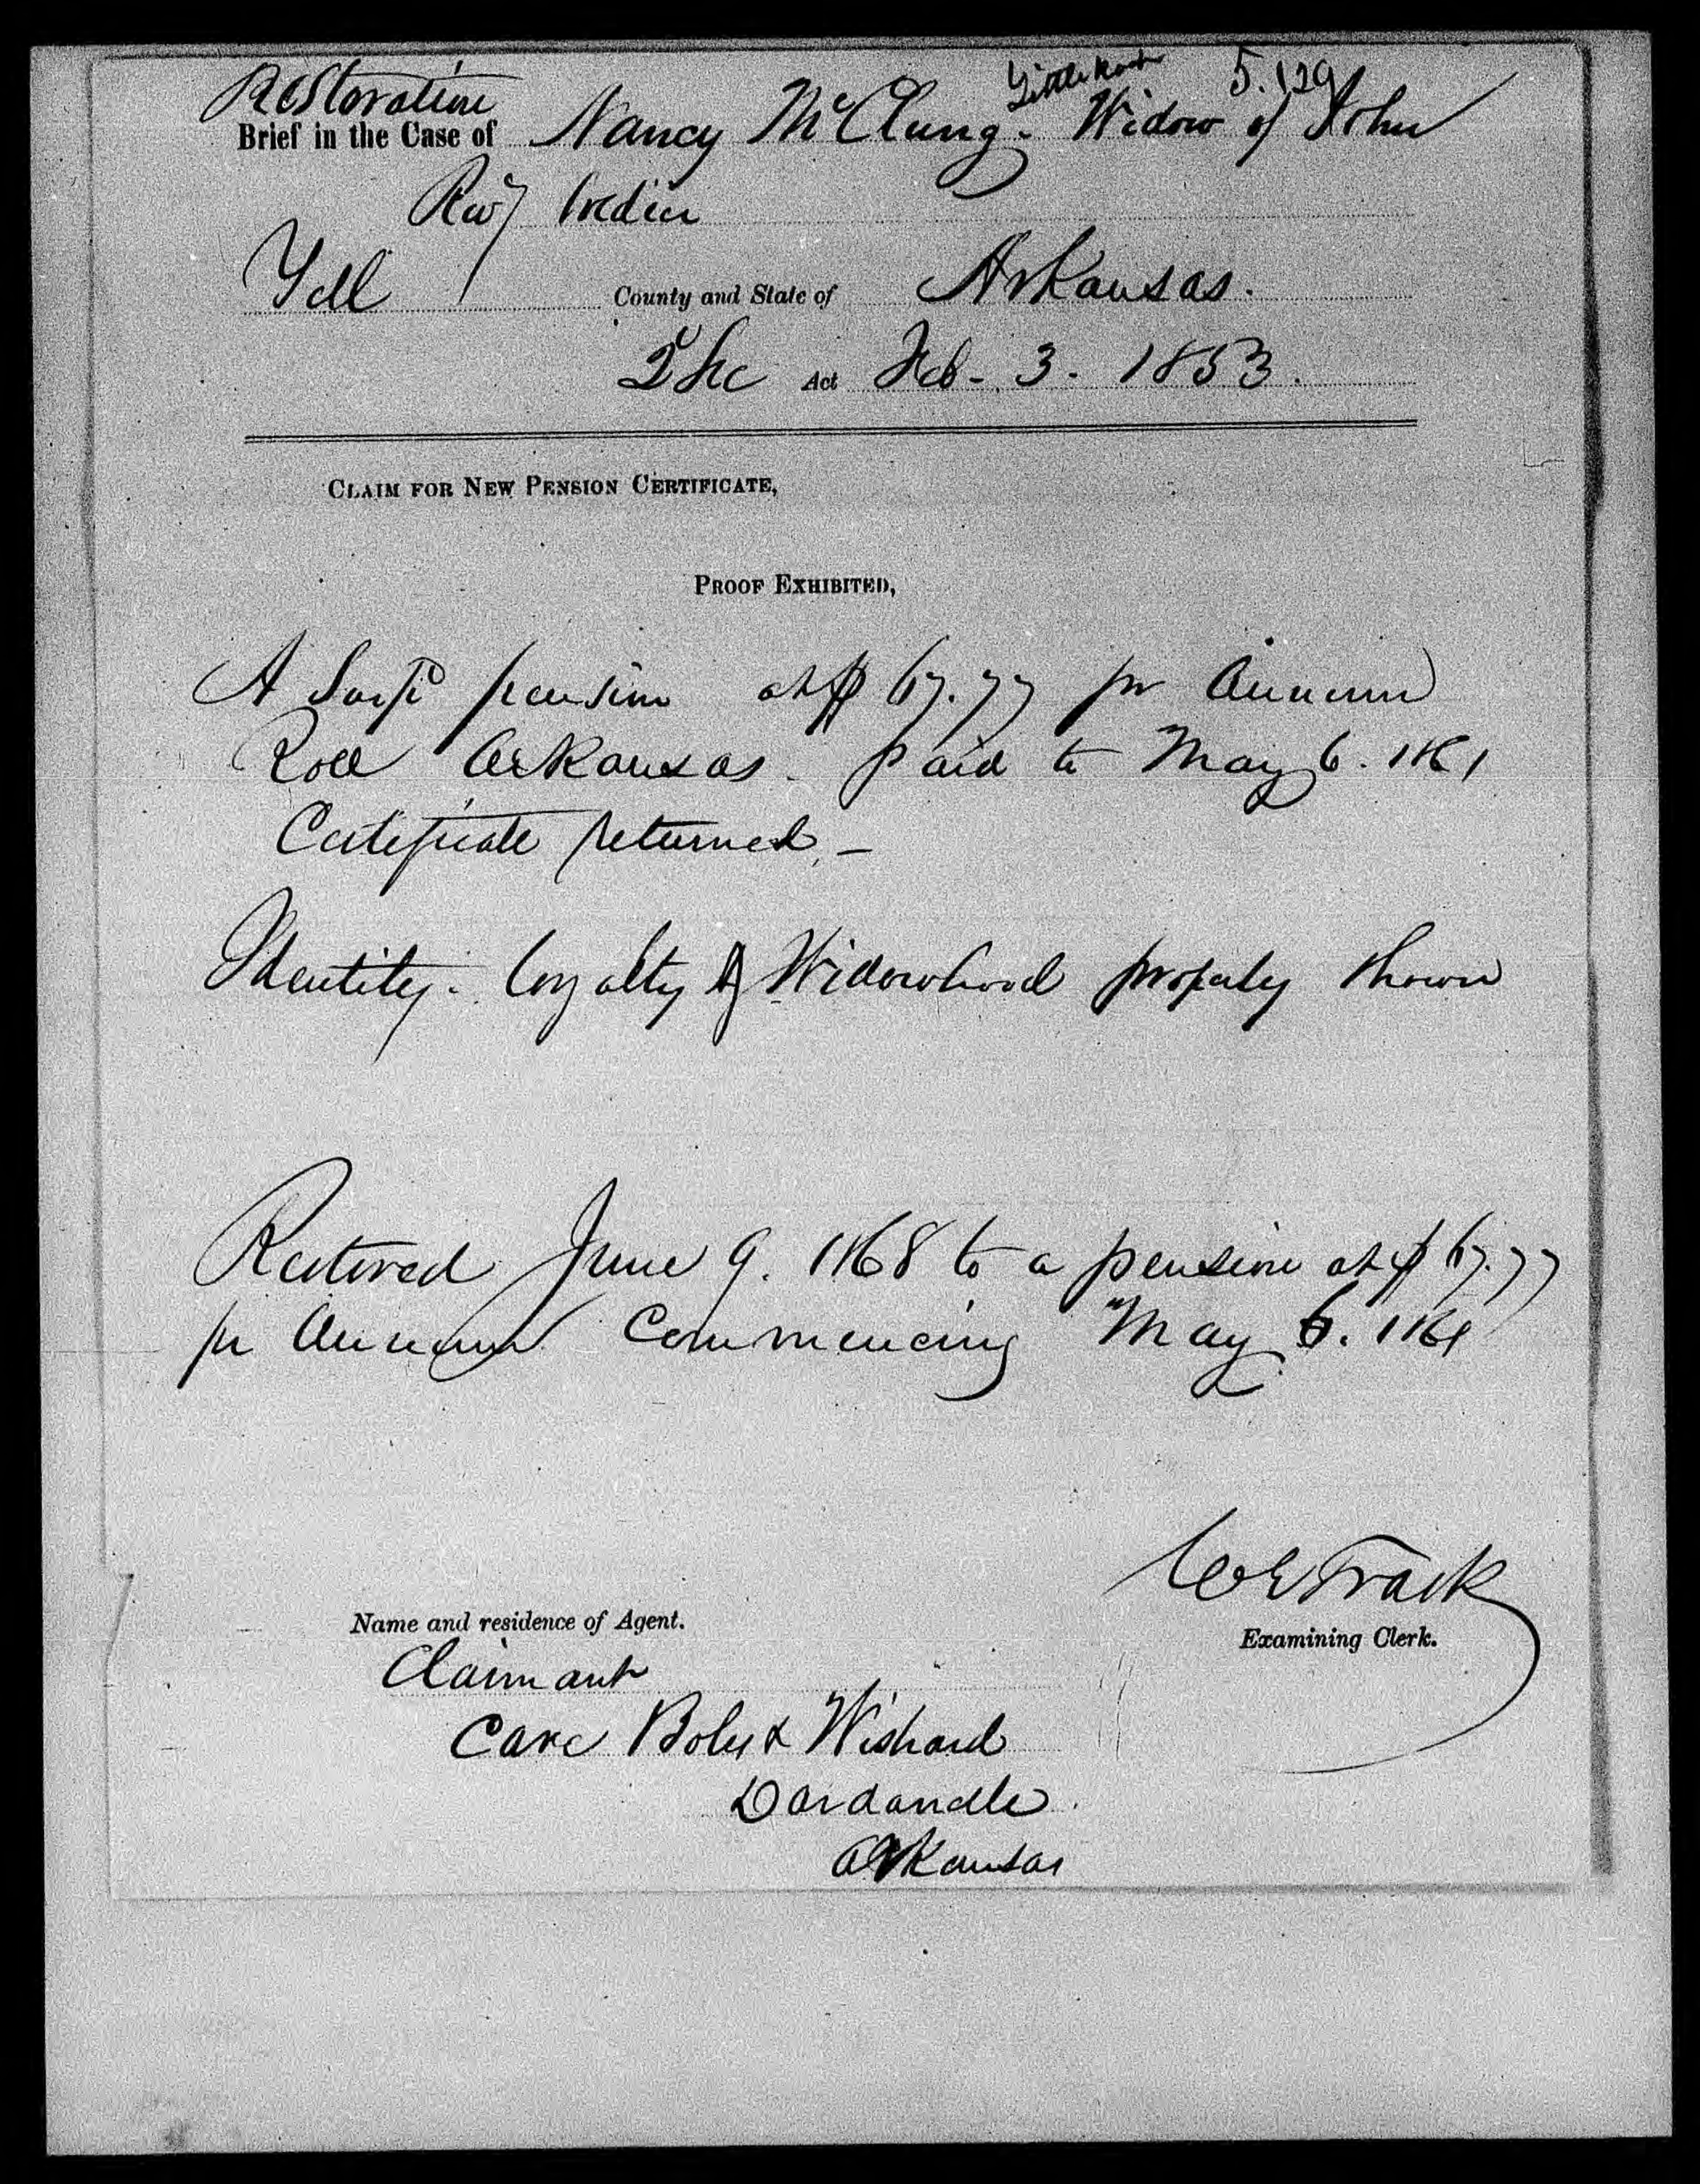Restoration  Little Rock  5.129
Brief in the case of Nancy McClung Widow of John Rev Soldier Yell County and State of Arkansas
2nd sec Act Feb 3 1853

CLAIM FOR NEW PENSION CERTIFICATE,
PROOF EXHIBITED,

A [illegible] pension of $67.77 pr annum
Roll Arkansas paid to May 6. 1861
Certificate returned

Identity loyalty of Widowhood property shown

Restored June 9. 1868 to a pension at $67.77 per annum commencing May 6. 1868
W E Frask 
Examining Clerk.

Name and residence of Agent.
Claimant Care Boles & Wishard
Dardanelle
Arkansas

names: [BLANK] Boles; John Mc Clung; W E Frask; [BLANK] Wishard; Nancy Mc Clung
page: 67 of 115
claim: widow's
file: W. 1446, for John Mc Clung, South Carolina